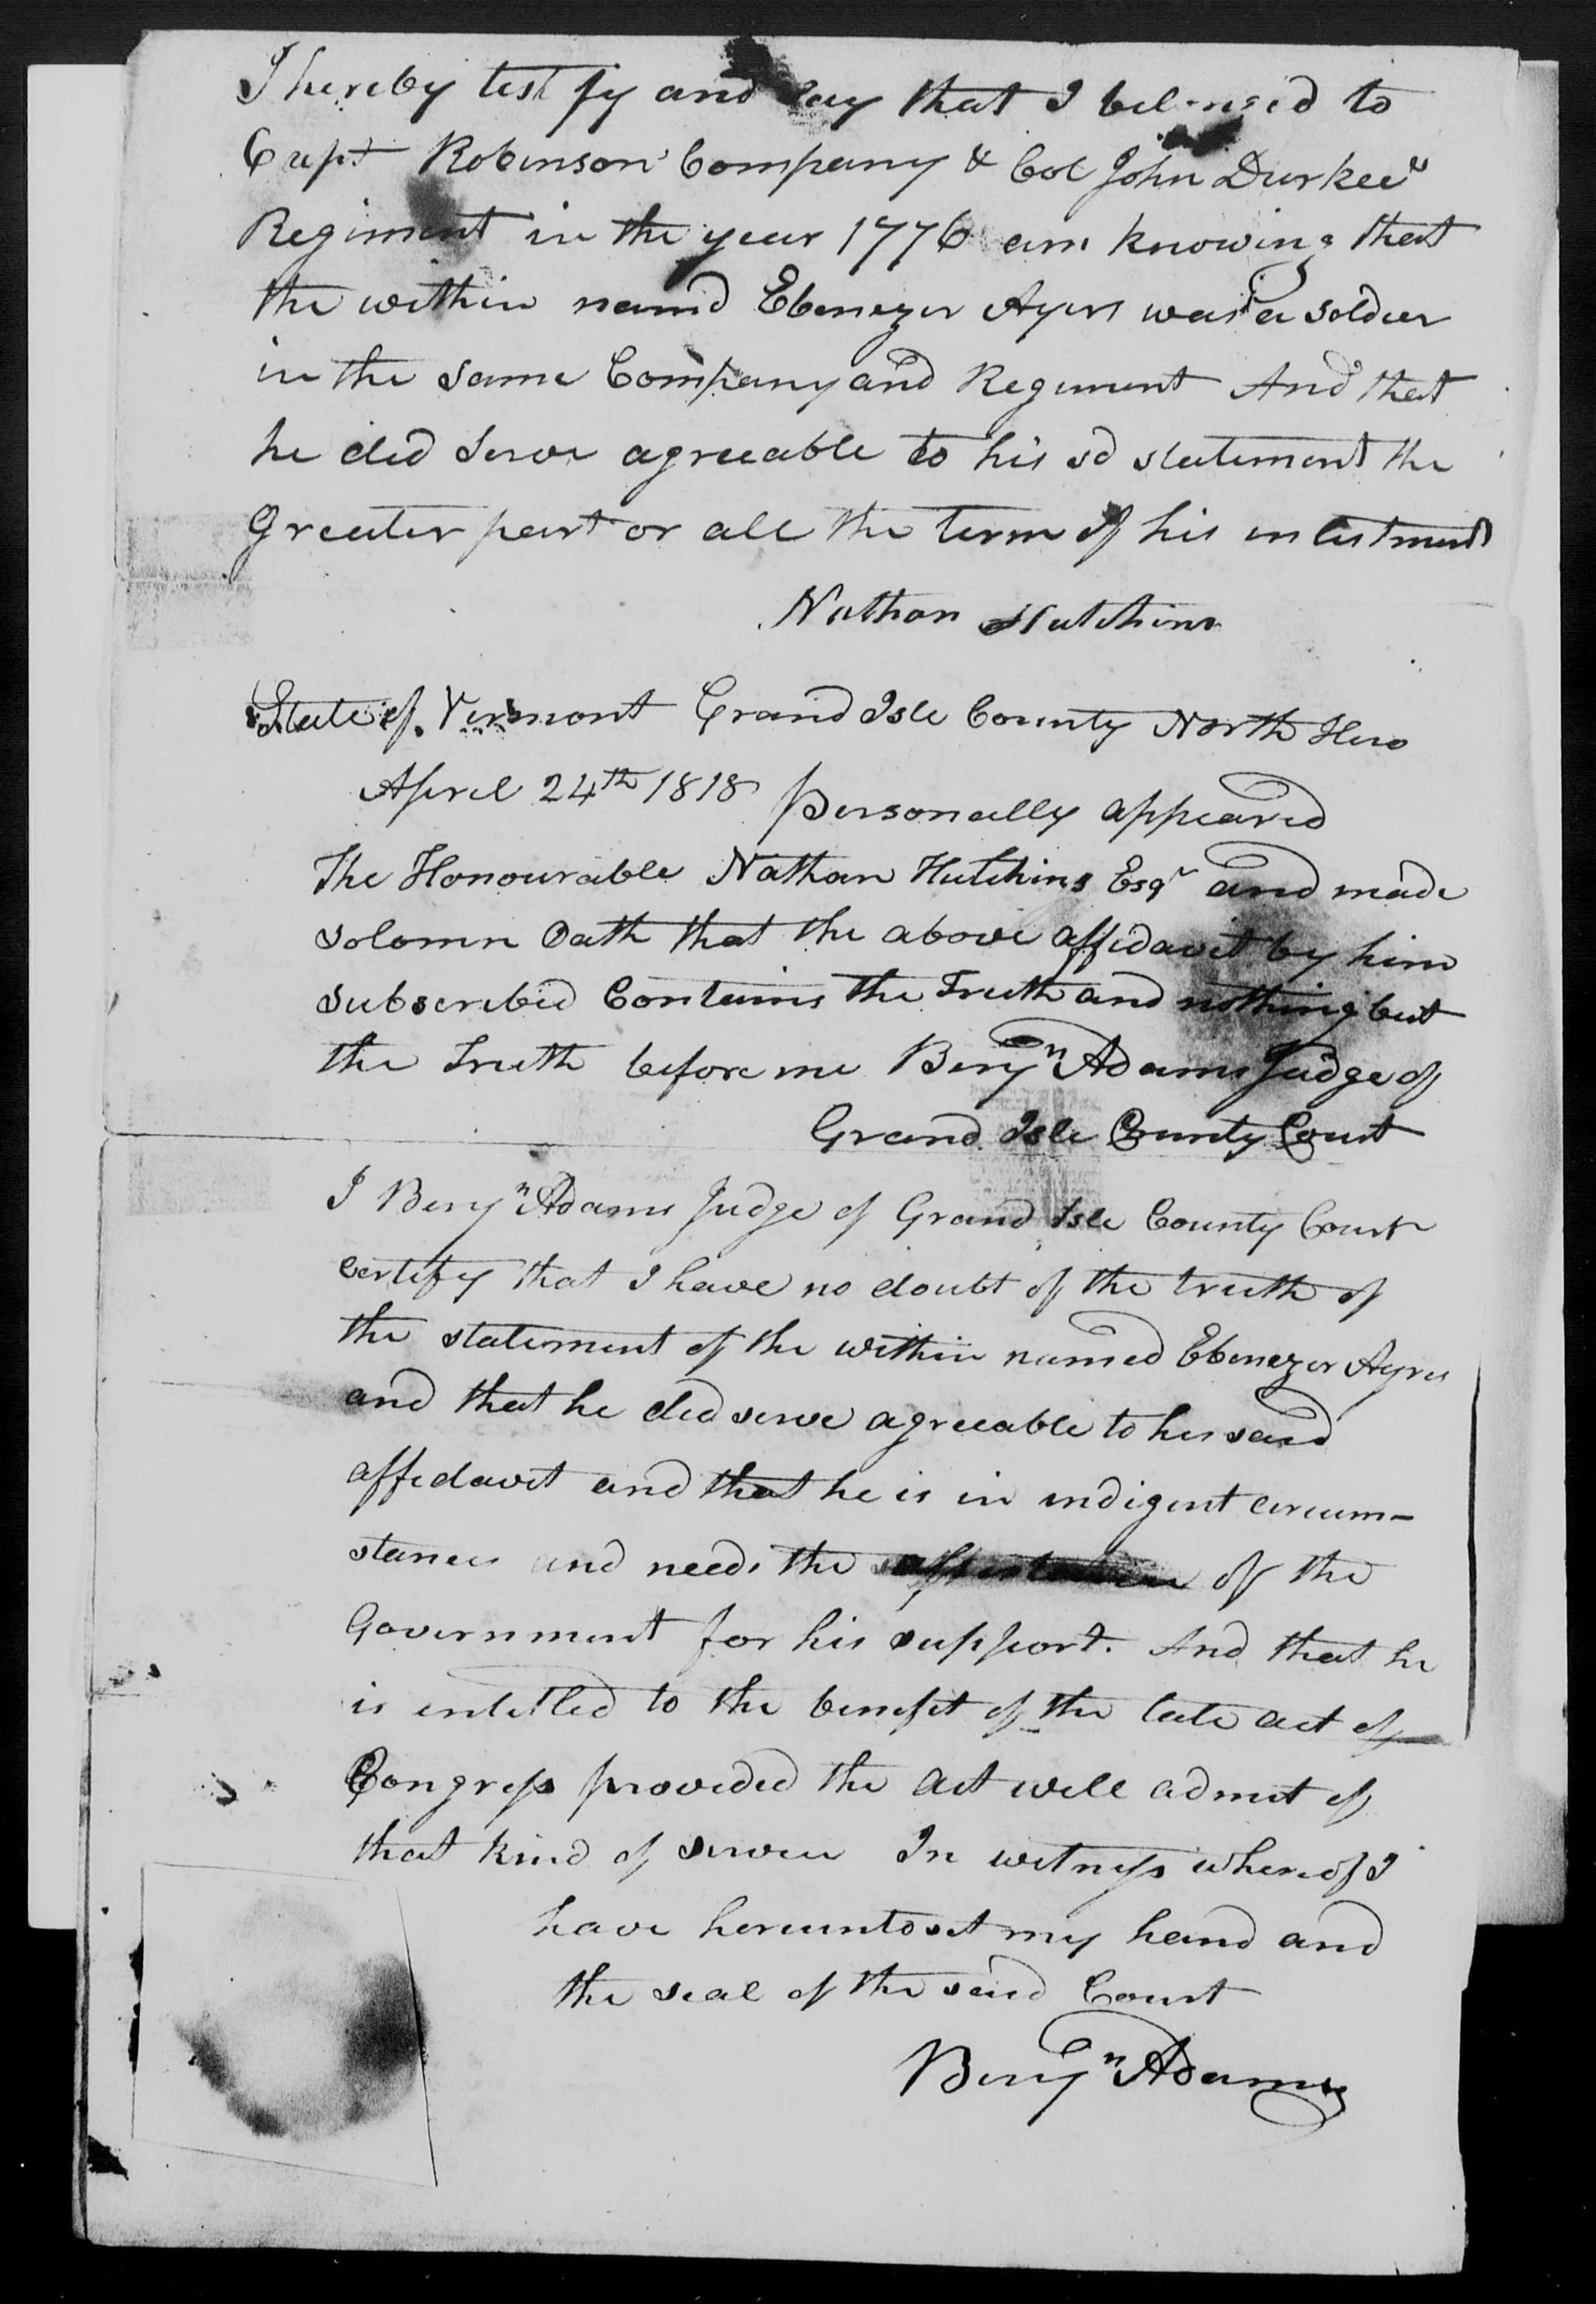I hereby testify and say that I belonged to Capt Robinson' Company & Col John Durkee' Regiment in the year 1776 am knowing that the within named Ebenezer Ayers was a soldier
in the same Company and Regiment And that
he did serve agreeable to his sd statement the
greater part or all the term of his enlistment
Nathan Hutchins
State of Vermont Grand Isle County 
North Hero  April 24th 1818 
personally appeared The Honourable Nathan Hutchins Esqr and made solomn [solemn] Oath that the above affidavit by him subscribed contains the truth and nothing but the truth before me 
Benj Adams  Judge of
Grand Isle County Court
I Benjn Adams Judge of Grand County Court
certify that I have no doubt of the truth of
the statement of the within named Ebenezer Ayres and that he did serve agreeable to his said affidavit and that he is in indigent circumstances and needs [assistance] of the
Government for his support.  And that he
is entitled to the benefit of the late act of
of Congress provided the act well admit of
that kind of service In witness whereof I have hereunto set my hand and the seal of the said Court
Benjn Adams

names: Benjn Adams, John Durkee, Benjn Adams, Nathan Hutchins, Benjn Adams, Ebenezer Ayers, Ebenezer Ayres, Nathan Hutchins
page: 4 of 50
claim: widow's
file: W. 8559, Ebenezer Ayer, Continental (Conn)